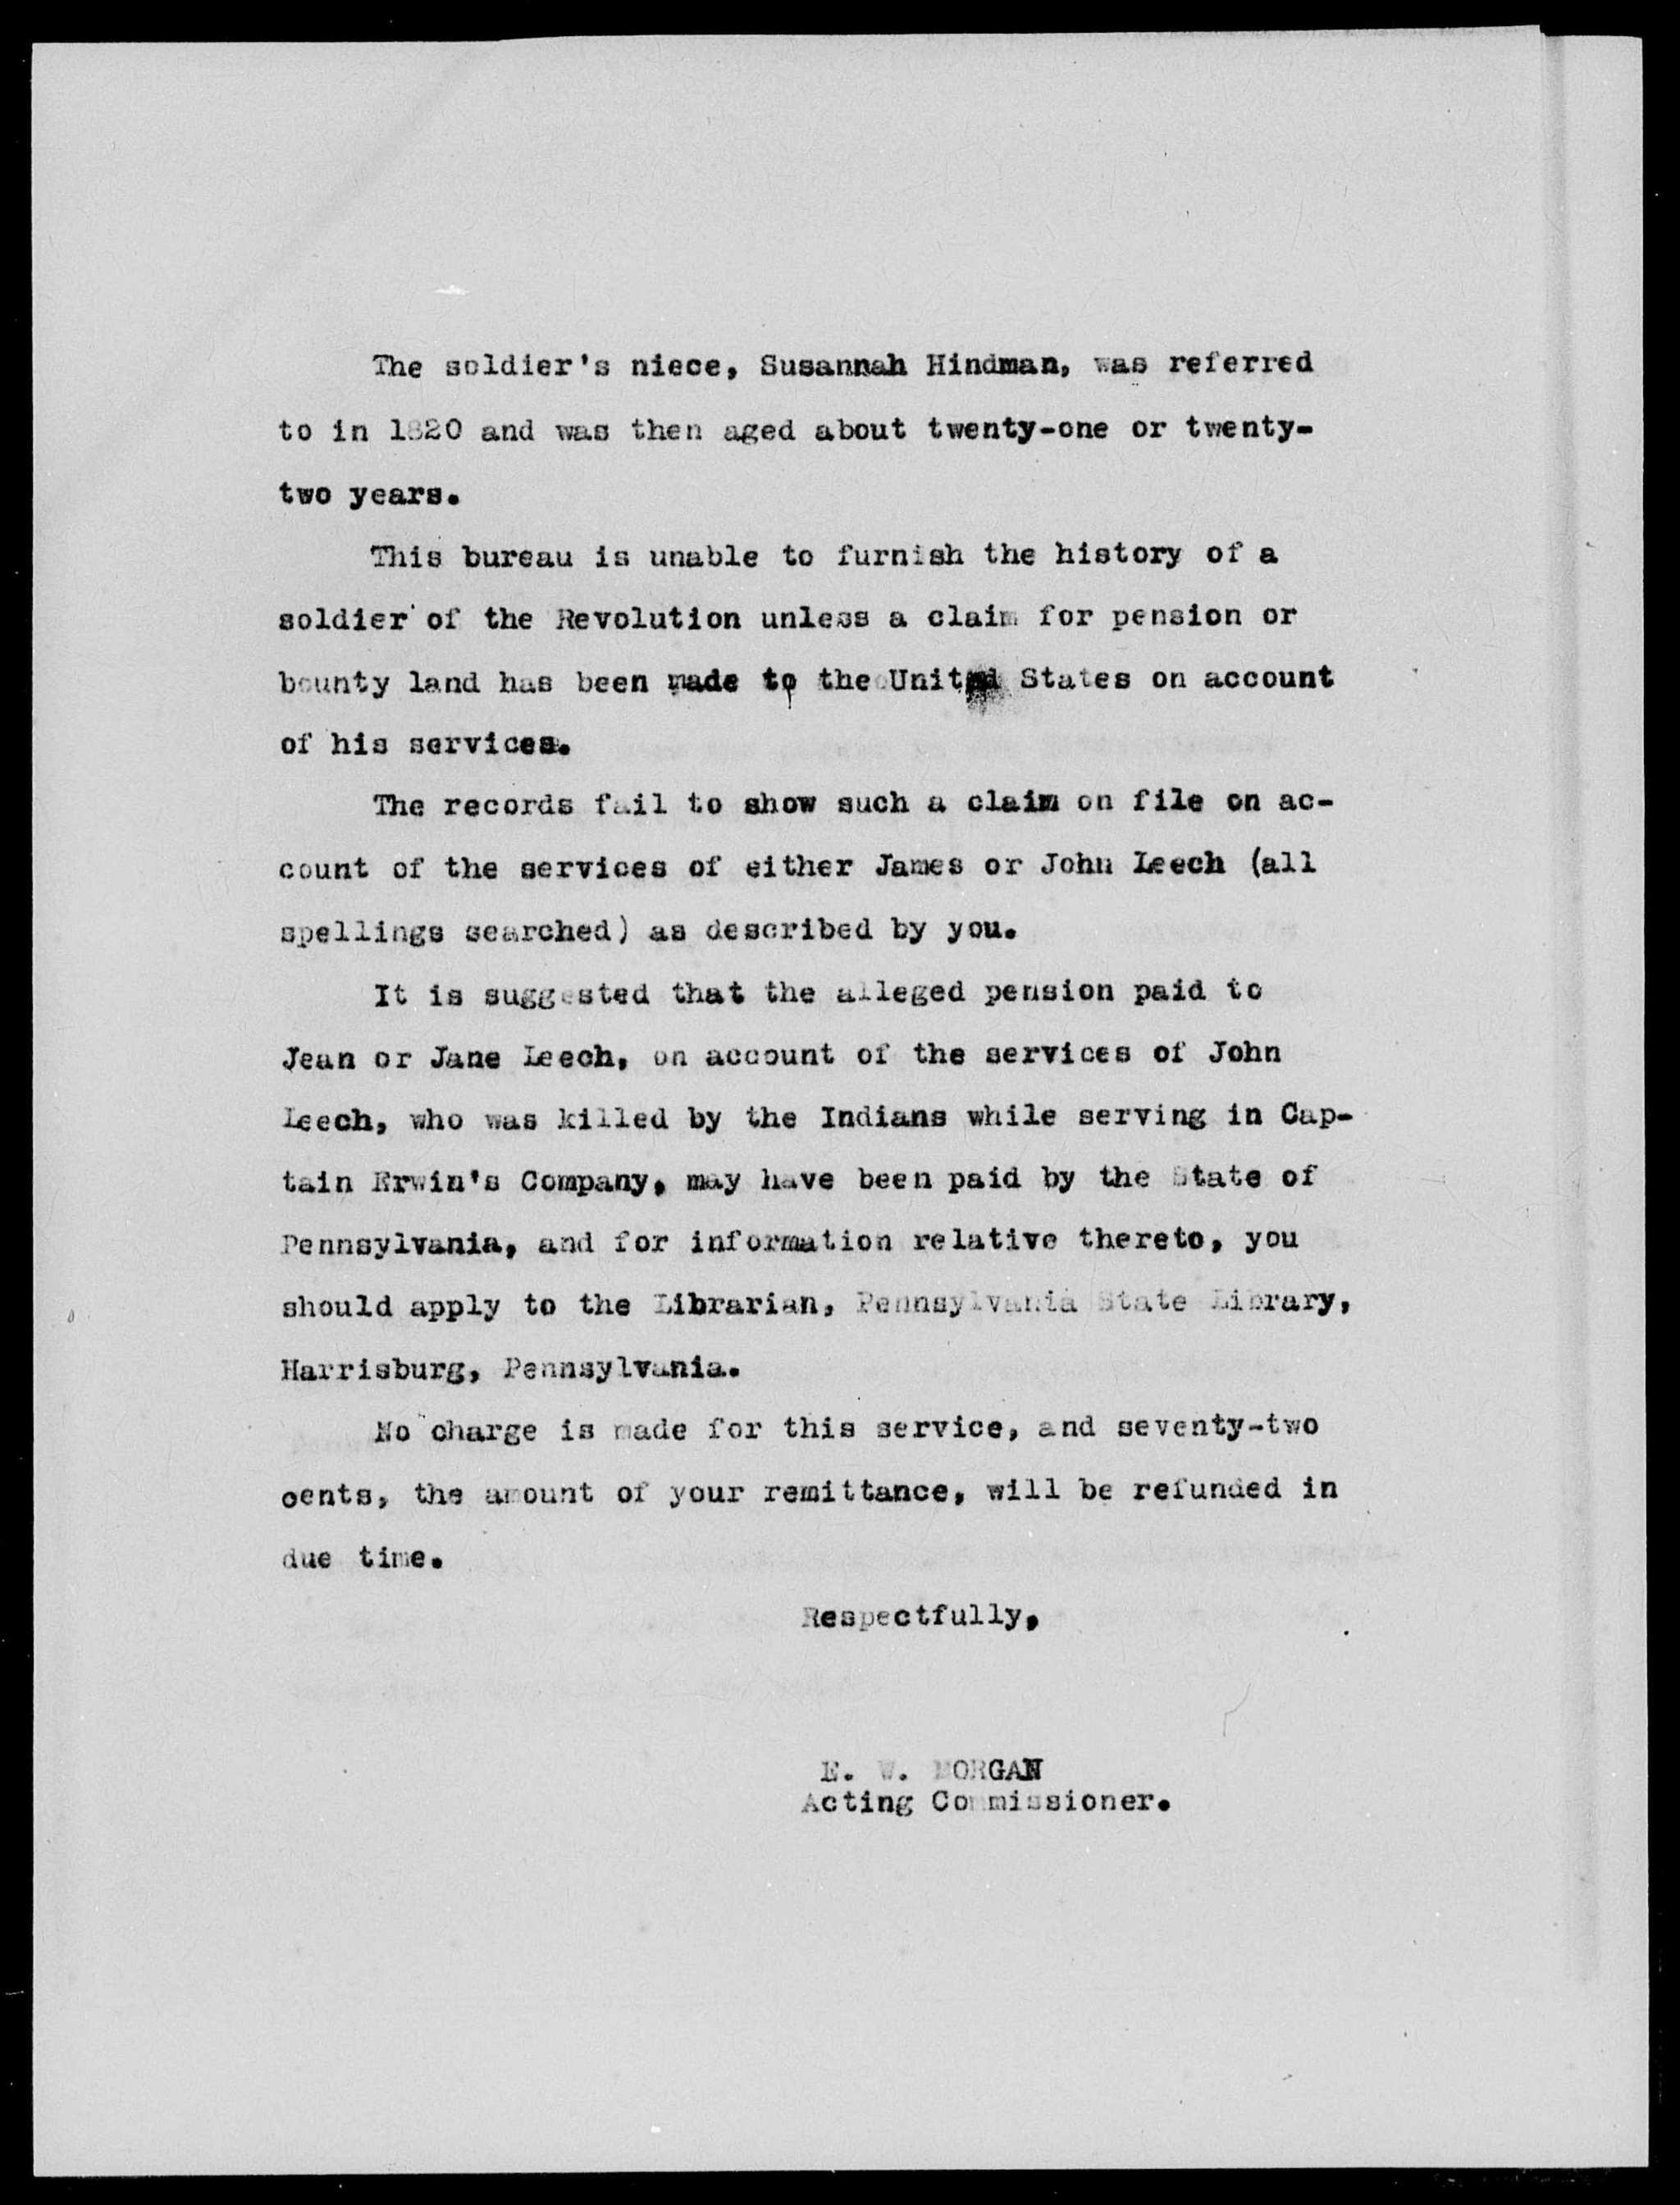The soldier's niece, Susannah Hindman, was referred to in 1820 and was then aged about twenty-one or twenty-two years.
This bureau is unable to furnish the history of a soldier of the Revolution unless a claim for pension or bounty land has been made to the United States on account of his services.
The records fail to show such a claim on file on account of the services of either James or John Leech (all spellings searched) as described by you.
It is suggested that the alleged pension paid to Jean or Jane Leech, on account of the services of John Leech, who was killed by the Indians while serving in Captain Erwin's Company, may have been paid by the State of Pennsylvania, and for information relative thereto, you should apply to the Librarian, Pennsylvania State Library, Harrisburg, Pennsylvania.
No charge is made for this service, and seventy-two cents, the amount of your remittance, will be refunded in due time.
Respectfully,
E. W. FORGAN
Acting Commissioner.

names: Susannah Hindman; Jean Leech; E W Morgan; James Leech; Jane Leech; John Leech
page: 12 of 20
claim: survivor's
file: S. 40,935, for Archibald Leech, Pennsylvania